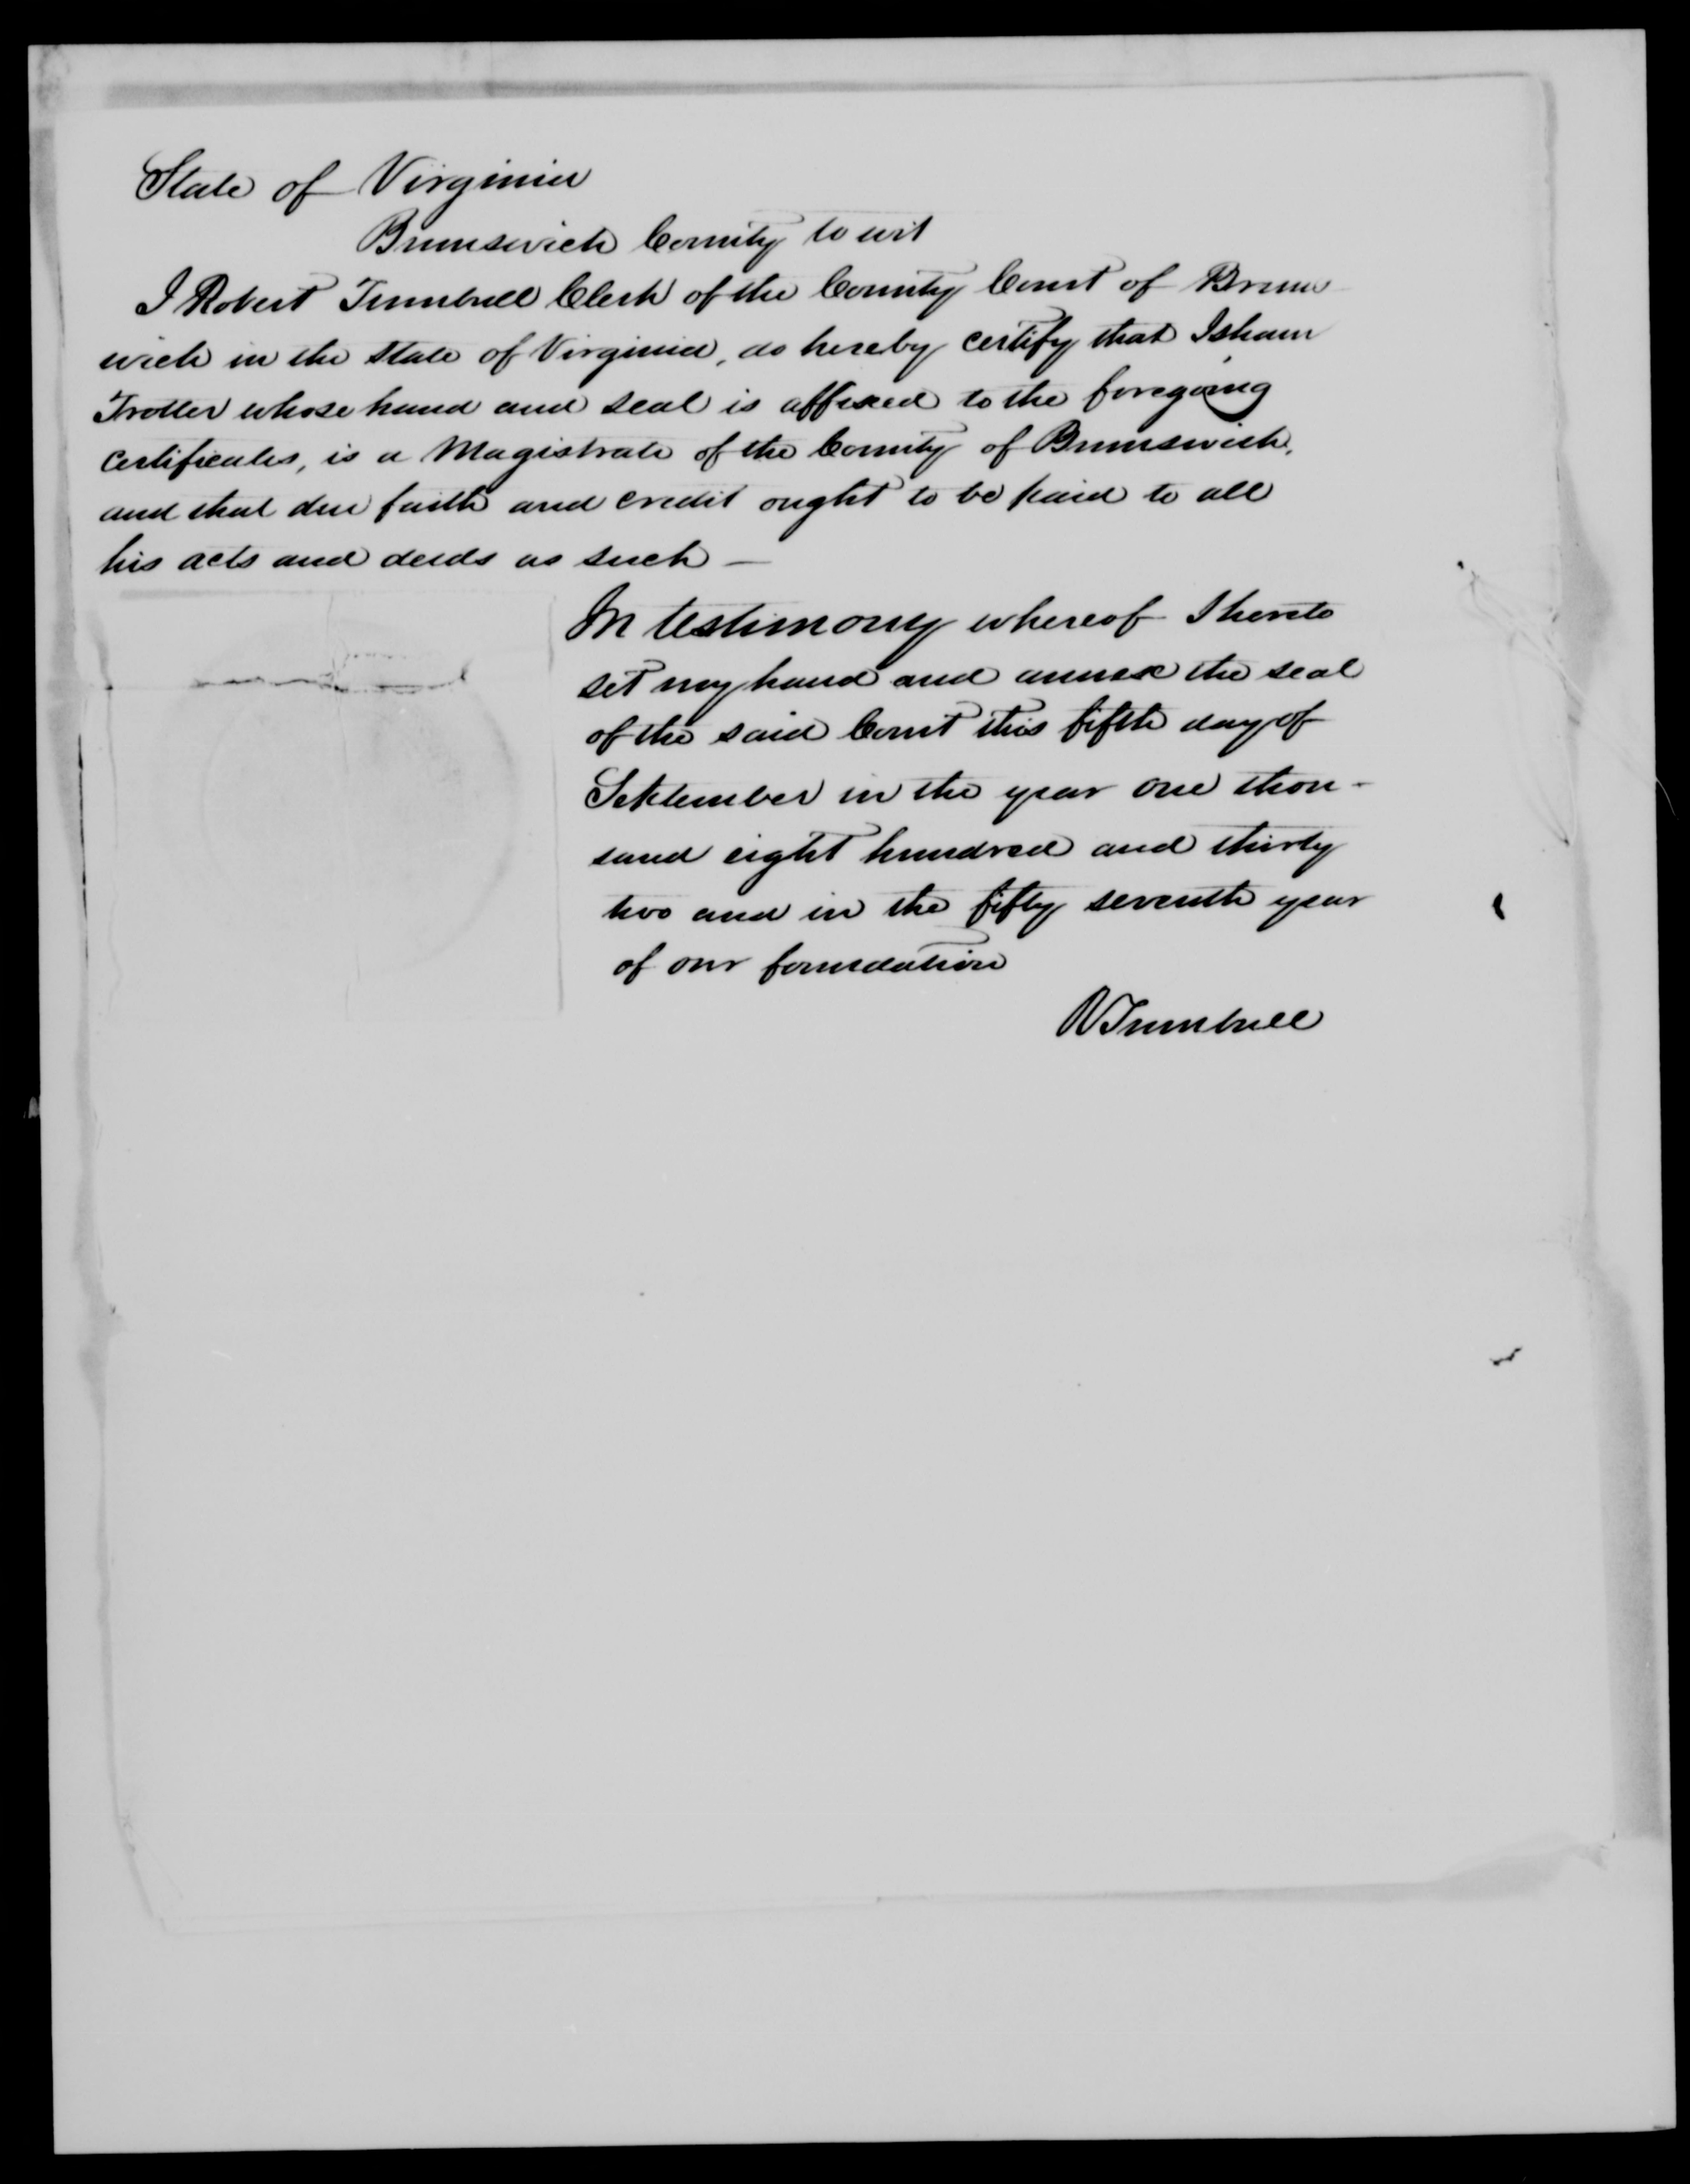State of Virginia 
Brunswick County Court 
I Robert Turnbull Clerk of the County Court of Brims wick in the State of Virginia, do hereby certify that Isham Trotter whose hand and seal is affixed to the foregoing certificate, is a magistrate of the County of Brunswick and that due faith and credit ought to be paid to all his act and deeds as such – 
In testimony whereof I hereto set my hand and annex the seal of the said Court this fifth day of September in the year one thou sand eight hundred and thirty-two and in the fifty seventh year of our foundation 
R Turnbull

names: Robert Tumbull, Isham Trotter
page: 12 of 32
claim: survivor's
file: S. 16020, Thomas Whitlock, Va.